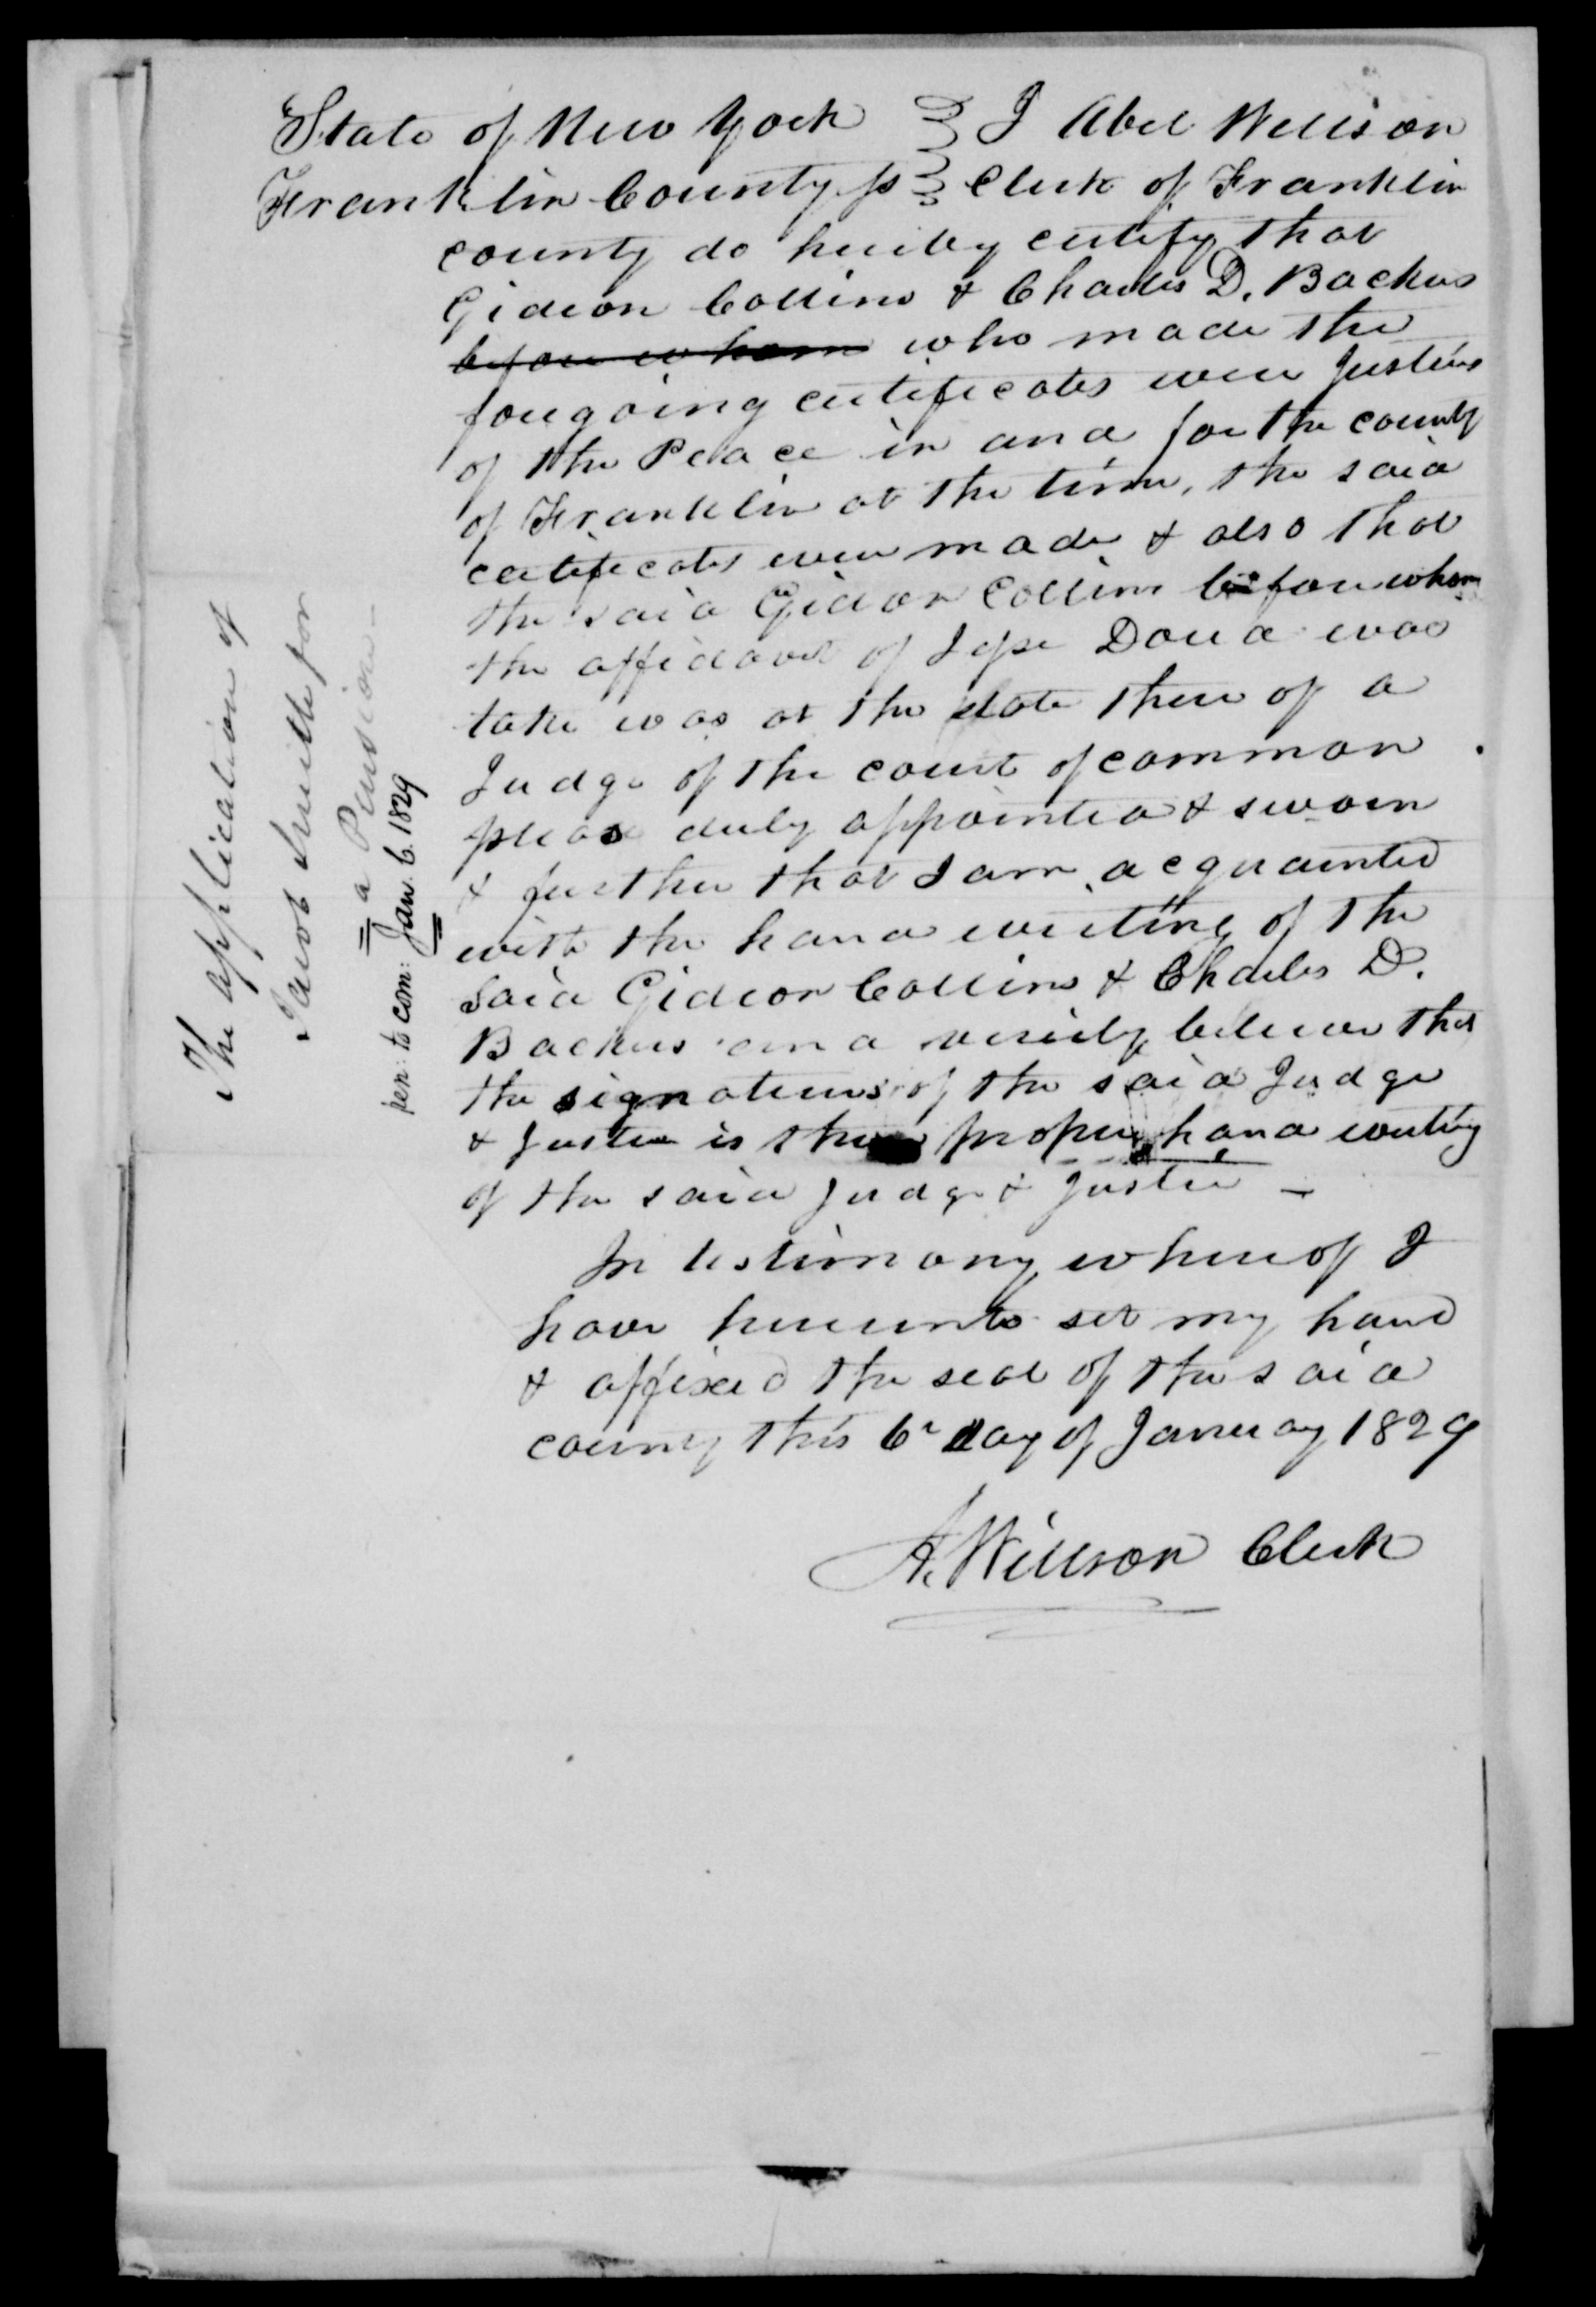State of New York }
Franklin County ss }  I Abel Wilson Clerk of Franklin County do hereby certify that Gideon Collins & Charles D.  Backus [crossed out] before [two additional illegible words] [end cross out] who made the foregoing certificates were Justice of the Peace in and for the County of Franklin at the time, the said certificates were made & also that the said Gideon Collins before whom the affidavit of Jesse Dowd was take was the the date there of a Judge of the court of common pleas duly appointed & sworn & further that I am acquainted the hand writing of the said Gideon Collins & Charles D. Backus and verily believe that the signatures of the said Judge & Justice is the proper hand writing of the said Judge & Justice. In testimony whereof I have hereunto set my hand and affixed the seal of this said county this 6th day of January 1829
A. Wilson Clerk
[To the left of the signature block is a faint image of the seal which is illegible.]

[To the left of the above text block, written at 90 degrees counter clockwise is the following text.]
The application of Jacob Smith for a Pension 
pen: to com: Jan. 6. 1829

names: Charles D Backus; A Willson; Abel Willson; Gideon Collins; Gideon Collins; Charles D Backus; Jacob Smith; Gidon Collins; Jesse Dowd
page: 13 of 15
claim: survivor's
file: S. 43157, for Jacob Smith, Vermont